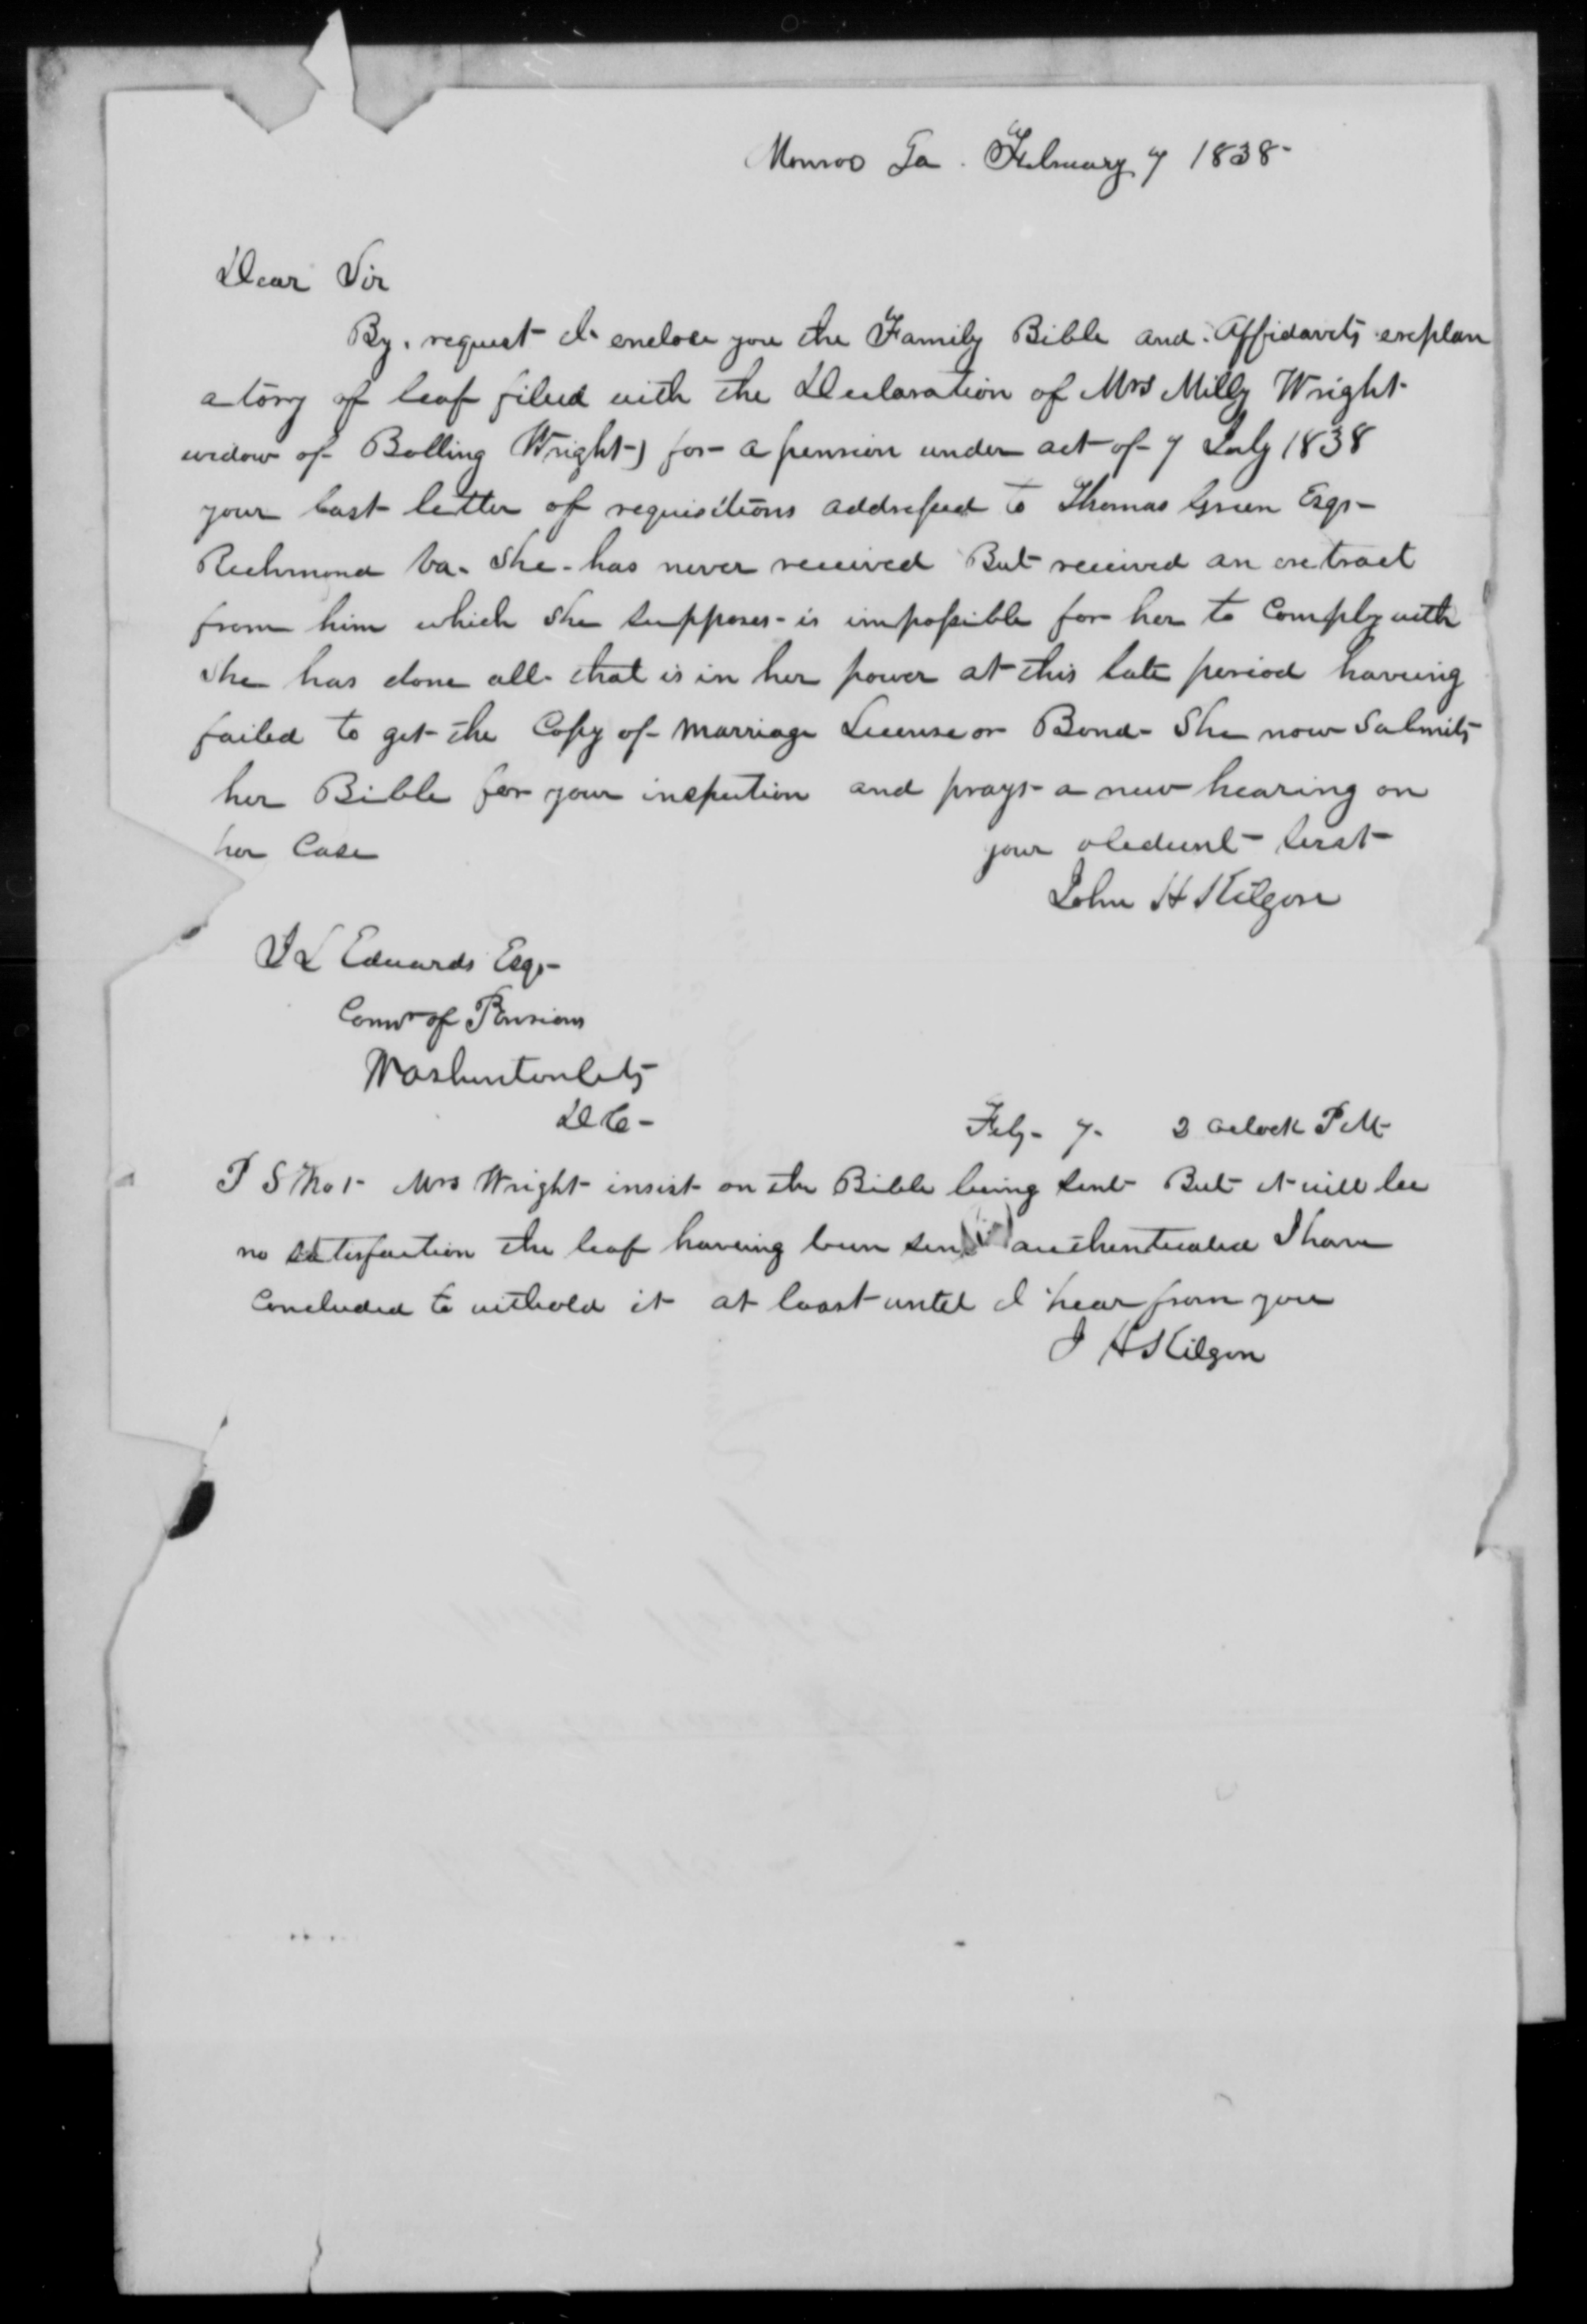Monroe Ga February 7, 1838
Dear Sire
By request I enclose you the Family Bible and Affidavit explanation of leaf filed with the Declaration of Mrs Milly Wright widow of Bolling Wright for a pension under act of 7 July 1838 your last letter of requisitions addressed to Thomas Green Esw - Richmond Va She has never received but received an [illegible] from him which she supposes is impossible for her to comply with she has done all that in her power at this late period having failed to get the Copy of Marriage License or Bond she now [illegible] her Bible for your inspection and prays a new hearing on her case.
Your [illegible] [ illegible]
John H. Kilgore
JL Edwards Esq
Comm of Pensions
Washington City DC
Feb 7 [illegible]
PS  [illegible] Mrs Wright insist on the Bible being sent But I will be no satisfaction the leaf having been un authenticated I have concluded to withold it at least until I hear from you.
J.H. Kilgore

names: Bolling Wright, Thomas Green, John H Kilgore, J L Edwards, Milly Wright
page: 57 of 81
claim: widow's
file: W. 5183, Bolling Wright, Va.